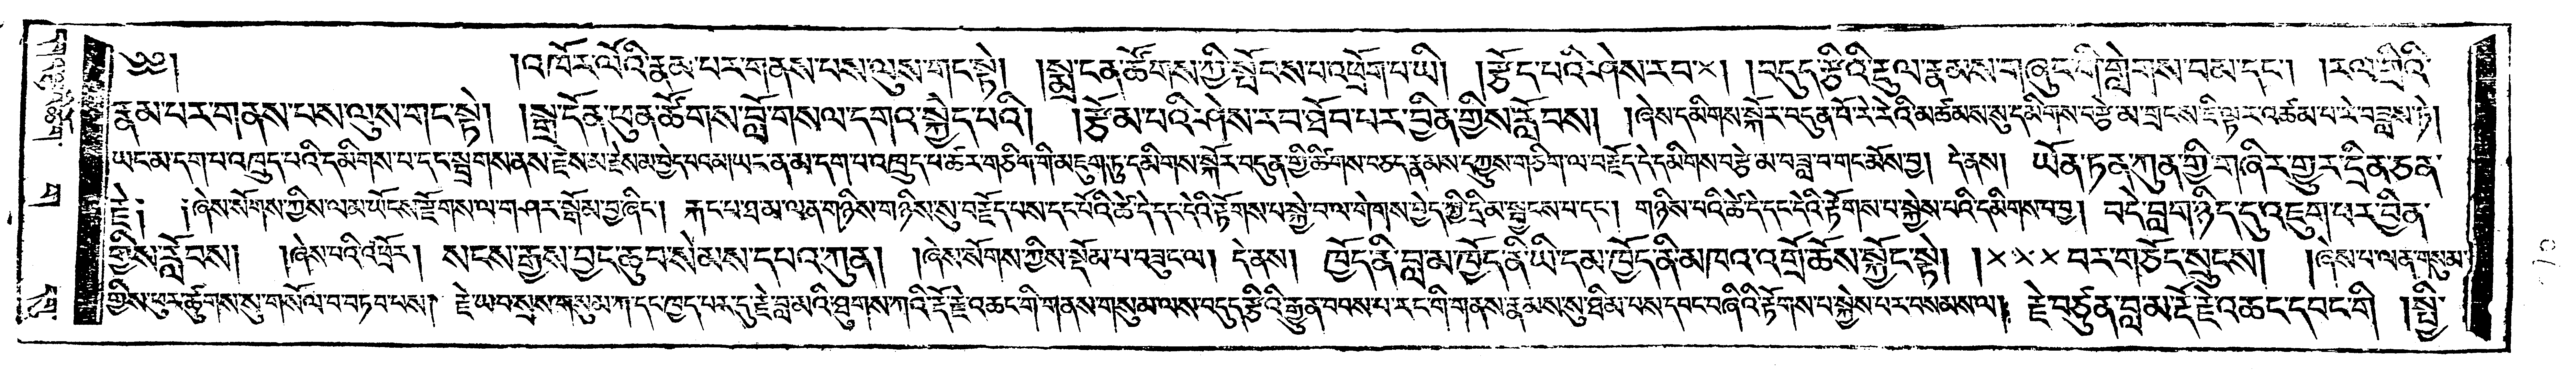༄༅། །འཁོར་ལོའི་རྣམ་པར་གནས་པས་ལུས་གང་སྟེ། །སྨྲ་ངན་ཚོགས་ཀྱི་སྤོབས་པ་འཕྲོག་པ་ཡི། །རྩོད་པའི་ཤེས་རབ། །བདུད་རྩིའི་རྡུལ་རྣམས་གཞུང་གི་གླེགས་བམ་དང་། །རལ་གྲིའི་
རྣམ་པར་གནས་པས་ལུས་གང་སྟེ། །སྒྲ་དོན་ཕུན་ཚོགས་བློ་གསལ་དགའ་སྐྱེད་པའི། །རྩོམ་པའི་ཤེས་རབ་ཐོབ་པར་བྱིན་གྱིས་རློབས། །ཞེས་དམིགས་སྐོར་བདུན་པོ་རེ་རེའི་མཚམས་སུ་དམིགས་བརྩེ་མ་གྲངས་ཇི་ལྟར་འཚམ་པ་རེ་བཟླས་ཏེ།
ཡང་མ་དག་པ་འཁྲུད་པའི་དམིགས་པ་དང་སྦྲགས་ནས་རྗེས་མ་རྗེས་མ་བྱེད་པའམ། ཡང་ན་མ་དག་པ་འཁྲུད་པ་ཚར་གཅིག་གི་མཇུག་ཏུ་དམིགས་སྐོར་བདུན་གྱི་ཚིགས་བཅད་རྣམས་དཀྱུས་གཅིག་ལ་བརྗོད་དེ་དམིགས་བརྩེ་མ་བཟླ་བ་གང་མོས་བྱ། དེ་ནས། ཡོན་ཏན་ཀུན་གྱི་གཞིར་གྱུར་དྲིན་ཅན་
རྗེ༑ ༑ཞེས་སོགས་ཀྱིས་ལམ་ཡོངས་རྫོགས་ལ་གཤར་སྒོམ་བྱ་ཞིང་། རྐང་པ་ཐ་མ་ལན་གཉིས་གཉིས་སུ་བརྗོད་པས་དང་པོའི་ཚེ་དེ་དང་དེའི་རྟོགས་བསྐྱེ་བ་ལ་གེགས་བྱེད་ཀྱི་དྲི་མ་སྦྱངས་པ་དང་། གཉིས་པའི་ཚེ་དེ་དང་དེའི་རྟོགས་པ་སྐྱེས་པའི་དམིགས་པ་བྱ། བདེ་བླག་ཉིད་དུ་འཇུག་པར་བྱིན་
གྱིས་རློབས། །ཞེས་པའི་འཕྲོར།  སངས་རྒྱས་བྱང་ཆུབ་སེམས་དཔའ་ཀུན། །ཞེས་སོགས་ཀྱིས་སྡོམ་པ་བཟུང་ལ། དེ་ནས།  ཁྱོད་ནི་བླ་མ་ཁྱོད་ནི་ཡི་དམ་ཁྱོད་ནི་མཁའ་འགྲོ་ཆོས་སྐྱོང་སྟེ། །྾྾྾་བར་གཅོད་སྲུངས། །ཞེས་པ་ལན་གསུམ་
གྱིས་ཕུར་ཚུགས་སུ་གསོལ་བ་བཏབ་པས། རྗེ་ཡབ་སྲས་གསུམ་ཀ་དང་ཁྱད་པར་དུ་རྗེ་བླ་མའི་ཐུགས་ཀའི་རྡོ་རྗེ་འཆང་གི་གནས་གསུམ་ལས་བདུད་རྩིའི་རྒྱུན་བབས་པ་རང་གི་གནས་རྣམས་སུ་ཐིམ་པས་དབང་བཞིའི་རྟོགས་པ་སྐྱེས་བར་བསམས་ལ། རྗེ་བཙུན་བླ་མ་རྡོ་རྗེ་འཆང་དབང་གི །སྤྱི་